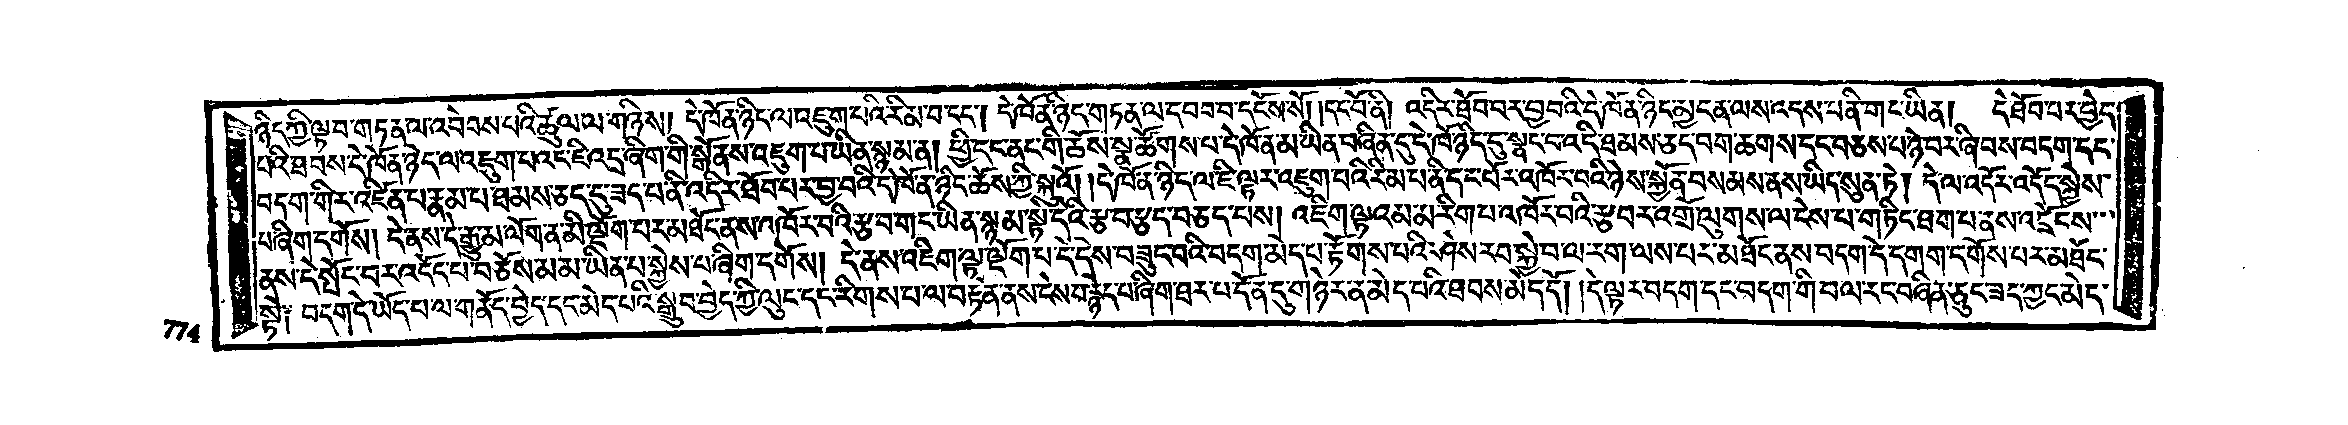ཉིད་ཀྱི་ལྟ་བ་གཏན་ལ་འབེབས་པའི་ཚུལ་ལ་གཉིས། དེ་ཁོ་ན་ཉིད་ལ་འཇུག་པའི་རིམ་པ་དང་། དེ་ཁོ་ན་ཉིད་གཏན་ལ་དབབ་པ་དངོས་སོ། །དང་པོ་ནི། འདིར་ཐོབ་པར་བྱ་བའི་དེ་ཁོ་ན་ཉིད་མྱ་ངན་ལས་འདས་པ་ནི་གང་ཡིན། དེ་ཐོབ་པར་བྱེད་
པའི་ཐབས་དེ་ཁོ་ན་ཉིད་ལ་འཇུག་པའང་ཇི་འདྲ་ཞིག་གི་སྒོ་ནས་འཇུག་པ་ཡིན་སྙམ་ན། ཕྱི་དང་ནང་གི་ཆོས་སྣ་ཚོགས་པ་དེ་ཁོ་ན་མ་ཡིན་བཞིན་དུ་དེ་ཁོ་ཉིད་དུ་སྣང་བ་འདི་ཐམས་ཅད་བག་ཆགས་དང་བཅས་པ་ཉེ་བར་ཞི་བས་བདག་དང་
བདག་གིར་འཛིན་པ་རྣམ་པ་ཐམས་ཅད་དུ་ཟད་པ་ནི་འདིར་ཐོབ་པར་བྱ་བའི་དེ་ཁོ་ན་ཉིད་ཆོས་ཀྱི་སྐུའོ། །དེ་ཁོ་ན་ཉིད་ལ་ཇི་ལྟར་འཇུག་པའི་རིམ་པ་ནི་དང་པོར་འཁོར་བའི་ཉེས་སྐྱོན་བསམས་ནས་ཡིད་སུན་ཏེ། དེ་ལ་འདོར་འདོད་སྐྱེས་
པ་ཞིག་དགོས། དེ་ནས་དེ་རྒྱུ་མ་ལོག་ན་མི་ལྡོག་པར་མཐོང་ནས་འཁོར་བའི་རྩ་བ་གང་ཡིན་སྙམ་སྟེ་དེའི་རྩ་བ་རྩད་བཅད་པས། འཇིག་ལྟའམ་མ་རིག་པ་འཁོར་བའི་རྩ་བར་འགྲོ་ལུགས་ལ་ངེས་པ་གཏིང་ཐག་པ་ནས་འདྲོངས་
ནས་དེ་སྤོང་བར་འདོད་པ་བཅོས་མ་མ་ཡིན་པ་སྐྱེས་པ་ཞིག་དགོས། དེ་ནས་འཇིག་ལྟ་ལྡོག་པ་དེ་དེས་བཟུང་བའི་བདག་མེད་པ་རྟོགས་པའི་ཤེས་རབ་སྐྱེ་བ་ལ་རག་ལས་པར་མཐོང་ནས་བདག་དེ་དགག་དགོས་པར་མཐོང་
སྟེ༑ བདག་དེ་ཡོད་པ་ལ་གནོད་བྱེད་དང་མེད་པའི་སྒྲུབ་བྱེད་ཀྱི་ལུང་དང་རིགས་པ་ལ་བརྟེན་ནས་ངེས་པ་རྙེད་པ་ཞིག་ཐར་པ་དོན་དུ་གཉེར་ན་མེད་པའི་ཐབས་མེད་དོ། །དེ་ལྟར་བདག་དང་བདག་གི་བ་ལ་རང་བཞིན་ཅུང་ཟད་ཀྱང་མེད་